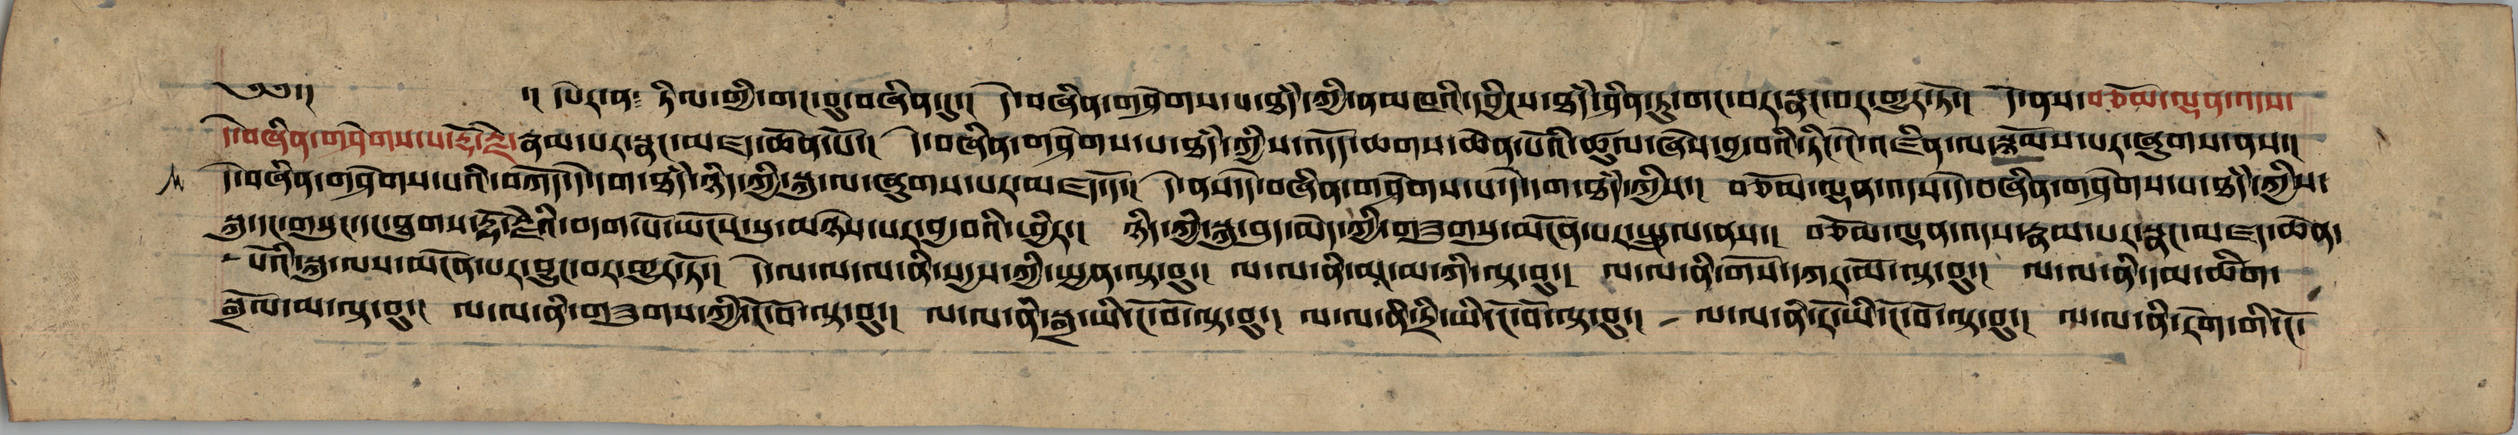༄༅་། ་།དཔེར་ན༴ ཏིལ་གྱི་གང་བུ་བཞིན་དུ་། དེ་བཞིན་གཤེགས་པ་ཐཾད་ཀྱི་ནམ་མཁའི་དབྱིངས་ཐཾད་ཤིན་ཏུ་གང་བར་སྣང་བར་གྱུར་ཏོ་། དེ་ནས་བཅོམ་ལྡན་འདས་
དེ་བཞིན་གཤེགས་པ་རྡོ་རྗེ་རྣམ་པར་སྣང་མཛད་ཆེན་པོ་། དེ་བཞིན་གཤེགས་པ་ཐཾད་ཀྱིས་འདོད་ཆགས་ཆེན་པའི་ཚུལ་ཞེས་བྱ་བའི་ཏིང་ངེ་འཛིན་ལ་སྙོམས་པར་ཞུགས་ནས་།
དེ་བཞིན་གཤེགས་པའི་བཀོད་དེ་དག་ཐཾད་ཉིད་ཀྱི་སྐུ་ལ་ཞུགས་པར་མཛད་དོ་། དེ་ནས་དེ་བཞིན་གཤེགས་པ་དེ་དག་ཐཾད་ཀྱིས་། བཅོམ་ལྡན་འདས་དེ་བཞིན་གཤེགས་པ་ཐཾད་ཀྱིས་
སྐུ་དང་གསུང་དང་ཐུགས་རྡོ་རྗེའི་བདག་པོ་ཡོངས་སུ་མཉེས་པར་བྱ་བའི་ཕྱིར་། ཉིད་ཀྱི་སྐུ་བུད་མེད་ཀྱི་གཟུགསུ་མངོན་པར་སྤྲུལ་ནས་། བཅོམ་ལྡན་འདས་རྣམ་པར་སྣང་མཛད་ཆེན་
པོའི་སྐུ་ལས་མངོན་པར་བྱུང་བར་གྱུར་ཏོ་།། དེ་ལ་ལ་ལ་ནི་སདྱསཀྱི་སྤྱན་ལྟ་བུ་། ལ་ལ་ནི་མཱ་མ་ཀི་ལྟ་བུ་། ལ་ལ་ནི་གོས་དཀར་མོ་ལྟ་བུ་། ལ་ལ་ནི་དམ་ཚིག་
སྒྲོལ་མ་ལྟ་བུ་། ལ་ལ་ནི་གཟུགས་ཀྱི་ངོ་བོ་ལྟ་བུ་། ལ་ལ་ནི་སྒྲ་ཡི་ངོ་བོ་ལྟ་བུ་། ལ་ལ་ནི་དྲི་ཡི་ངོ་བོ་ལྟ་བུ་། ལ་ལ་ནི་རོ་ཡི་ངོ་བོ་ལྟ་བུ་། ལ་ལ་ནི་རེག་གི་ངོ་